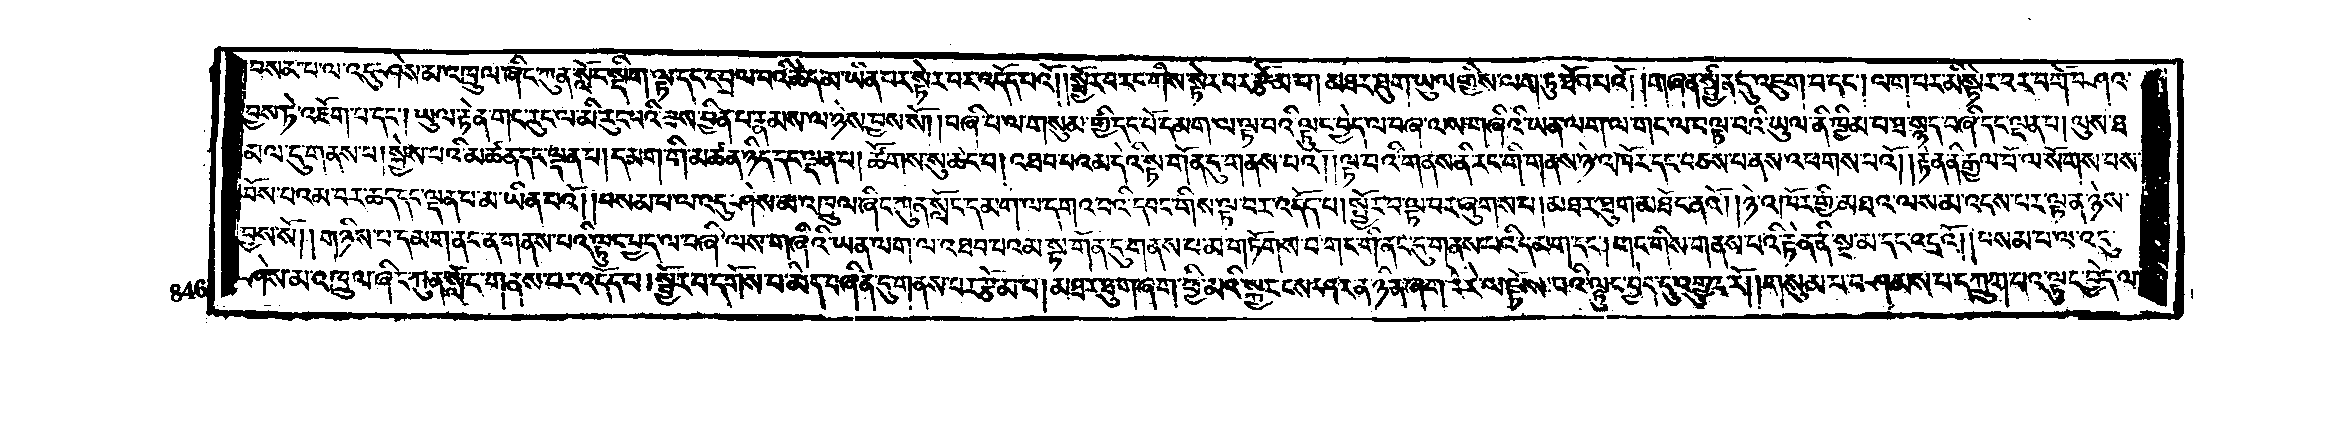བསམ་པ་ལ་འདུ་ཤེས་མ་འཁྲུལ་ཞིང་ཀུན་སློང་སྡིག་ལྟ་དང་དབྲལ་བའི་ཆེད་མ་ཡིན་པར་སྟེར་བར་འདོད་པའོ། །སྦྱོར་བ་རང་གིས་སྟེར་བར་རྩོམ་པ། མཐར་ཐུག་ཡུལ་གྱིས་ལག་ཏུ་ཐོབ་པའོ། །གཞན་སྦྱིན་དུ་འཇུག་པ་དང་། ལག་པར་མི་སྟེར་བར་བགོ་བཤའ་
བྱས་ཏེ་འཇོག་པ་དང་། ཡུལ་རྟེན་གང་རུང་ལ་མི་རུང་པའི་ཟས་བྱིན་པ་རྣམས་ལ་ཉེས་བྱས་སོ། །བཞི་པ་ལ་གསུམ་གྱི་དང་པོ་དམག་ལ་ལྟ་བའི་ལྟུང་བྱེད་ལ་བཞ་ལས་གཞིའི་ཡན་ལག་ལ་གང་ལ་བལྟ་བའི་ཡུལ་ནི་ཁྱིམ་པ་ཐ་སྙད་བཞི་དང་ལྡན་པ། ལུས་ཐ་
མལ་དུ་གནས་པ། སྐྱེས་པའི་མཚན་དང་ལྡན་པ། དམག་གི་མཚན་ཉིད་དང་ལྡན་པ། ཚོགས་སུ་ཚང་བ། འཐབ་པའམ་དེའི་སྟ་གོན་དུ་གནས་པའོ། །ལྟ་བའི་གནས་ནི་རང་གི་གནས་ཉེ་འཁོར་དང་བཅས་པ་ནས་འཕགས་པའོ། །རྟེན་ནི་རྒྱལ་པོ་ལ་སོགས་པས་
བོས་པའམ་བར་ཆད་དང་ལྡན་པ་མ་ཡིན་པའོ། །བསམ་པ་ལ་འདུ་ཤེས་མ་འཁྲུལ་ཞིང་ཀུན་སློང་དམག་ལ་དགའ་བའི་དབང་གིས་ལྟ་བར་འདོད་པ། སྦྱོར་བ་ལྟ་བར་ཞུགས་པ། མཐར་ཐུག་མཐོང་ནའོ། །ཉེ་འཁོར་གྱི་མཐའ་ལས་མ་འདས་པར་ལྟ་ན་ཉེས་
བྱས་སོ། །གཉིས་པ་དམག་ནང་ན་གནས་པའི་ལྟུང་བྱད་ལ་བཞི་ལས་གཞིའི་ཡན་ལག་ལ་འཐབ་པའམ་སྟ་གོན་དུ་གནས་པ་མ་གཏོགས་པ་གང་གི་ནང་དུ་གནས་པའི་དམག་དང་། གང་གིས་གནས་པའི་རྟེན་ནི་སྔ་མ་དང་འདྲའོ། །བསམ་པ་ལ་འདུ་
ཤེས་མ་འཁྲུལ་ཞིང་ཀུན་སློང་གནས་པར་འདོད་པ། སྦྱོར་བ་དགོས་པ་མིད་བཞིན་དུ་གནས་པར་རྩོམ་པ། མཐར་ཐུག་ཞག་ཕྱི་མའི་སྐྱང་ངས་ཤར་ན་ཉིན་ཞག་རེ་རེ་ལ་ལྟོས་པའི་ལྟུང་བྱེད་དུ་འགྱུར་རོ། །གསུམ་པ་བཤམས་པ་དཀྲུག་པའ་ལྟུང་བྱེད་ལ་